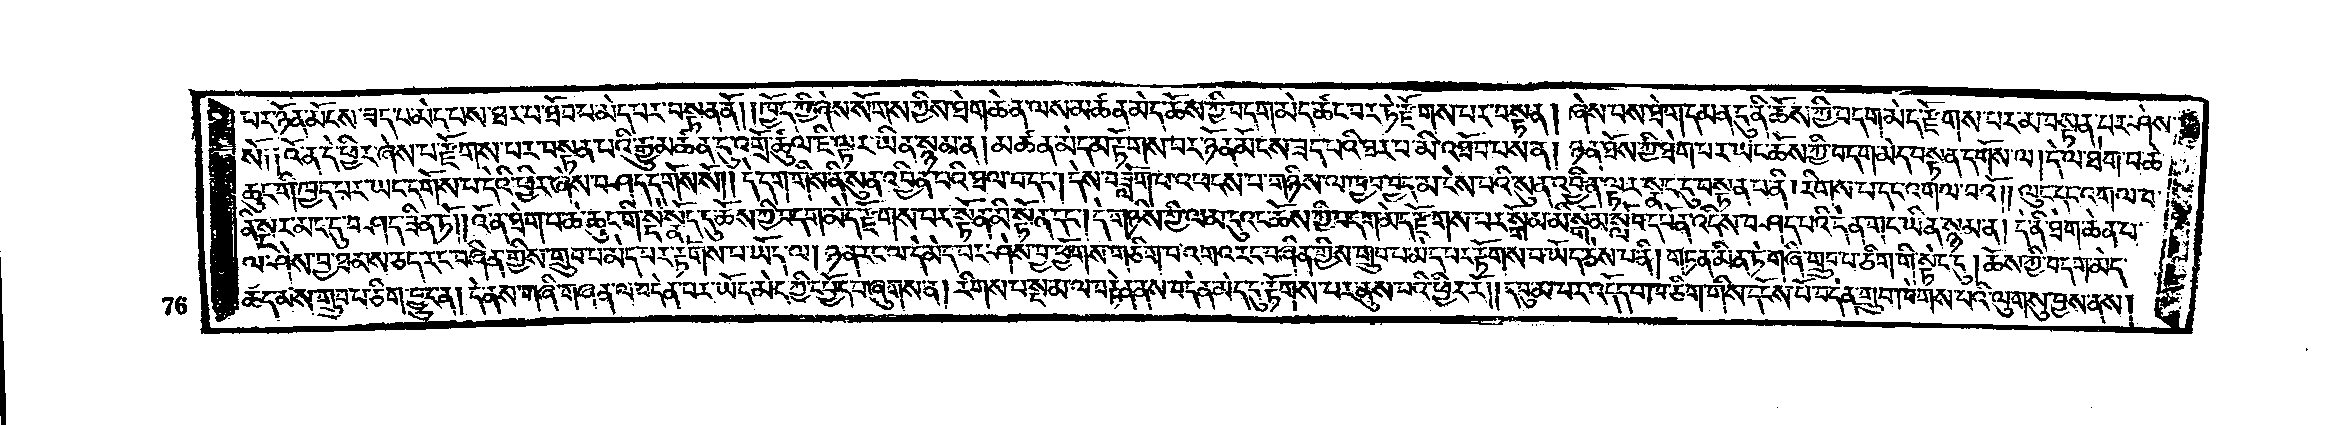པར་ཉོན་མོངས་ཟད་པ་མེད་པས་ཐར་པ་ཐོབ་པ་མེད་པར་བསྟན་ནོ། །ཁྱོད་ཀྱི་ཞེས་སོགས་ཀྱིས་ཐེག་ཆེན་ལས་མཚན་མེད་ཆོས་ཀྱི་བདག་མེད་ཚང་བར་ཏེ་རྫོགས་པར་བསྟན། ཞེས་པས་ཐེག་དམན་དུ་ནི་ཆོས་ཀྱི་བདག་མེད་རྫོགས་པར་མ་བསྟན་པར་ཤེས་
སོ། །འོ་ན་དེ་ཕྱིར་ཞེས་པ་རྫོགས་པར་བསྟན་པའི་རྒྱུ་མཚན་དུ་འགྲོ་ཚུལ་ཇི་ལྟར་ཡིན་སྙམ་ན། མཚན་མེད་མ་རྟོགས་པར་ཉོན་མོངས་ཟད་པའི་ཐར་པ་མི་འཐོབ་པས་ན། ཉན་ཐོས་ཀྱི་ཐེག་པར་ཡང་ཆོས་ཀྱི་བདག་མེད་བསྟན་དགོས་ལ། དེ་ལ་ཐེག་པ་ཆེ་
ཆུང་གི་ཁྱད་པར་ཡང་དགོས་པ་དེའི་ཕྱིར་ཞེས་བཤད་དགོས་སོ། །དེ་དག་གིས་ནི་སུན་འབྱིན་པའི་ཐལ་བ་དང་། དེས་བཟློག་པ་འཕངས་པ་གཉིས་ལ་ཁྱབ་བྱེད་མ་ངེས་པའི་སུན་འབྱིན་ལྟར་སྣང་དུ་བསྟན་པ་ནི། རིགས་པ་དང་འགལ་བའོ། །ལུང་དང་འགལ་བ་
ནི་སྔར་མང་དུ་བཤད་ཟིན་ཏོ། །འོ་ན་ཐེག་པ་ཆེ་ཆུང་གི་སྡེ་སྣོད་དུ་ཆོས་ཀྱི་བདག་མེད་རྫོགས་པར་སྟོན་མི་སྟོན་དང་། དེ་གཉིས་ཀྱི་ལམ་དུའང་ཆོས་ཀྱི་བདག་མེད་རྫོགས་པར་སྒོམ་མི་སྒོམ་སློབ་དཔོན་འདིས་བཤད་པའི་དོན་གང་ཡིན་སྙམ་ན། དེ་ནི་ཐེག་ཆེན་པ་
ལ་ཤེས་བྱ་ཐམས་ཅད་རང་བཞིན་གྱིས་གྲུབ་པ་མེད་པར་རྟོགས་པ་ཡོད་ལ། ཉན་རང་ལ་དེ་མེད་པར་ཤེས་བྱ་ཕྱོགས་གཅིག་པ་འགའ་རང་བཞིན་གྱིས་གྲུབ་པ་མེད་པར་རྟོགས་པ་ཡོད་ཅེས་པ་ནི། གཏན་མིན་ཏེ་གཞི་གྲུབ་པ་ཅིག་གི་སྟེང་དུ། ཆོས་ཀྱི་བདག་མེད་
ཚད་མས་གྲུབ་པ་ཅིག་བྱུང་ན། དེ་ནས་གཞི་གཞན་ལ་བདེན་པར་ཡོད་མེད་ཀྱི་དཔྱོད་པ་ཞུགས་ན། རིགས་པ་སྔ་མ་ལ་བརྟེན་ནས་བདེན་མེད་དུ་རྟོགས་པར་ནུས་པའི་ཕྱིར་རོ། །དབུ་མ་པར་འདོད་པ་ཁ་ཅིག་གིས་དངོས་པོ་བདེན་གྲུབ་ཁེགས་པའི་ལུགས་སུ་བྱས་ནས།